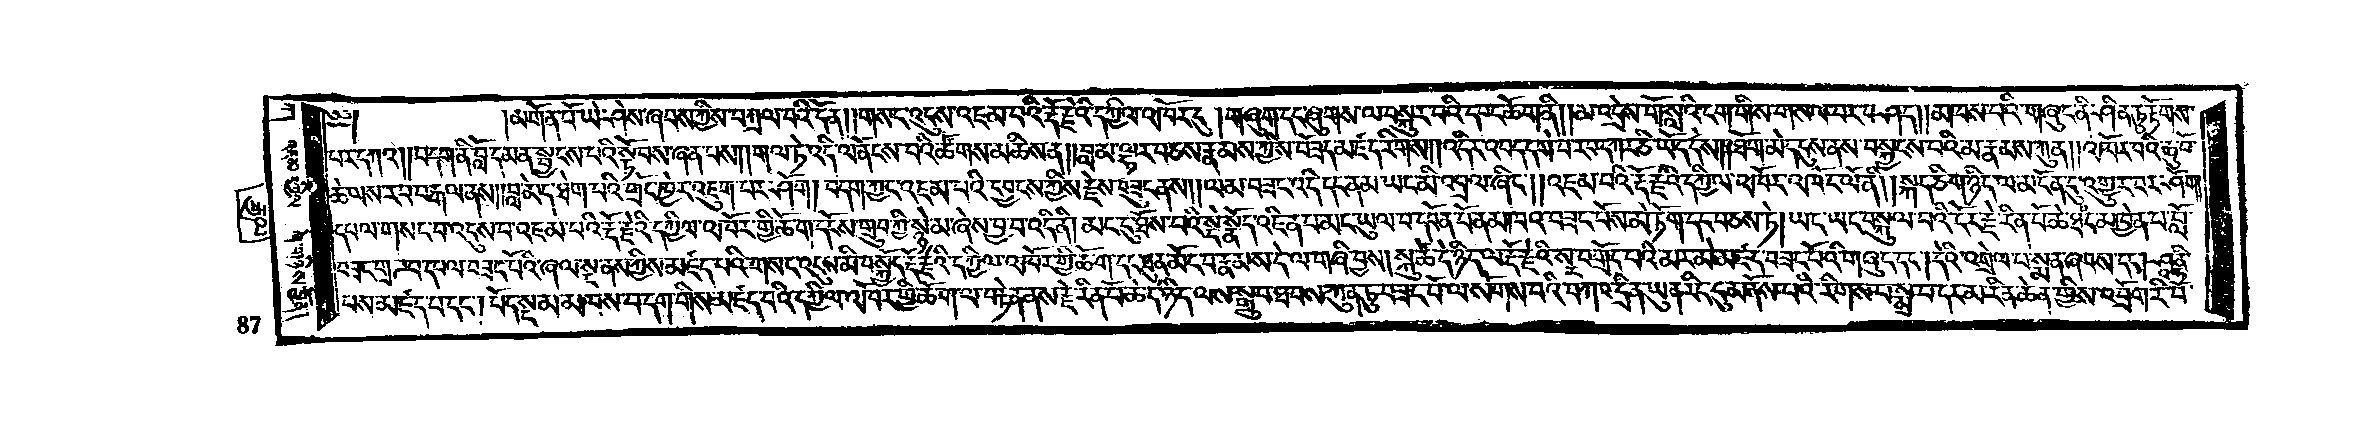༄༅། །མགོན་པོ་ཡེ་ཤེས་ཞབས་ཀྱིས་བཀྲལ་བའི་དོན། །གསང་འདུས་འཇམ་པའི་རྡོ་རྗེའི་དཀྱིལ་འཁོར་དུ། གཞུག་དང་ཞུགས་ལ་བསྐུར་བའི་དབང་ཆོ་ག་ནི། །མ་འདྲེས་གོ་སླའི་ངག་གིས་གསལ་བར་བཤད། །མཁས་པའི་གཞུང་ནི་ཤིན་ཏུ་རྟོགས་
པར་དཀའ། །བདག་ནི་བློ་དམན་སྦྱངས་པའི་སྟོབས་ཞན་པས། །གལ་ཏེ་འདི་ལ་ནོངས་པའི་ཚོགས་མཆིས་ན། །བླ་མ་ལྷར་བཅས་རྣམས་ཀྱིས་བཟོད་མཛད་རིགས། །འདིར་འབད་དགེ་བ་རབ་དཀར་ཅི་ཡོད་དེས། །ཐོག་མེད་དུས་ནས་བསྐྱངས་པའི་མ་རྣམས་ཀུན། །འཁོར་བའི་ཆུ་བོ་
ཆེ་ལས་རབ་བརྒལ་ནས། །བླ་མེད་ཐེག་པའི་གྲོང་ཁྱེར་འཇུག་པར་ཤོག །བདག་ཀྱང་འཇམ་པའི་དབྱངས་ཀྱིས་རྗེས་བཟུང་ནས། །ལམ་བཟང་འདི་དང་ནམ་ཡང་མི་འབྲལ་ཞིང་། །འཇམ་པའི་རྡོ་རྗེའི་དཀྱིལ་འཁོར་འཁོར་ལོ་ནི། །སྐད་ཅིག་ཉིད་ལ་མངོན་དུ་འགྱུར་བར་ཤོག །
དཔལ་གསང་བ་འདུས་པ་འཇམ་པའི་རྡོ་རྗེའི་དཀྱིལ་འཁོར་གྱི་ཆོ་ག་དངོས་གྲུབ་ཀྱི་སྙེ་མ་ཞེས་བྱ་བ་འདི་ནི། མང་དུ་ཐོས་པའི་སྡེ་སྣོད་འཇིན་པ་མང་ཡུལ་བ་དབོན་པོ་ནམ་མཁའ་བཟང་པོས་མེ་ཏོག་དང་བཅས་ཏེ། ཡང་ཡང་བསྐུལ་བའི་རྡོར་རྗེ་རིན་པོ་ཆེ་ཐམས་ཅད་མཁྱེན་པ་བློ་
བཟང་གྲགས་པ་དཔལ་བཟང་པོའི་ཞལ་སྔ་ནས་ཀྱིས་མཛད་པའི་གསང་འདུས་མི་བསྐྱོད་རྡོ་རྗེའི་དཀྱིལ་འཁོར་གྱི་ཆོ་ག་དང་ཐུན་མོང་བ་རྣམས་དེ་ལ་གཞི་བྱས། སྐུ་ཚེ་དེ་ཉིད་ལ་རྡོ་རྗེའི་སར་བགྲོད་པའི་མར་མེ་མཛད་བཟང་པོའི་གཞུང་དང་། དེའི་འགྲེལ་པ་སྨན་ཞབས་དང་། ཤཱནཏི་
པས་མཛད་པ་དང་། པོད་སྔ་མ་མཁས་པ་དག་གིས་མཛད་པའི་དཀྱིལ་འཁོར་གྱི་ཆོ་ག་ལ་བརྟེན་ནས་རྗེ་རིན་པོ་ཆེ་དེ་ཉིད་ལས་སྒྲུབ་ཐབས་ཀུན་ཏུ་བཟང་པོ་ལ་སོགས་པའི་བཀའ་དྲིན་ཡུན་རིང་དུ་མ་ནོས་པའི་རིགས་པ་སྨྲ་བ་དང་མ་རིན་ཆེན་གྱིས་འབྲོག་རི་བོ་